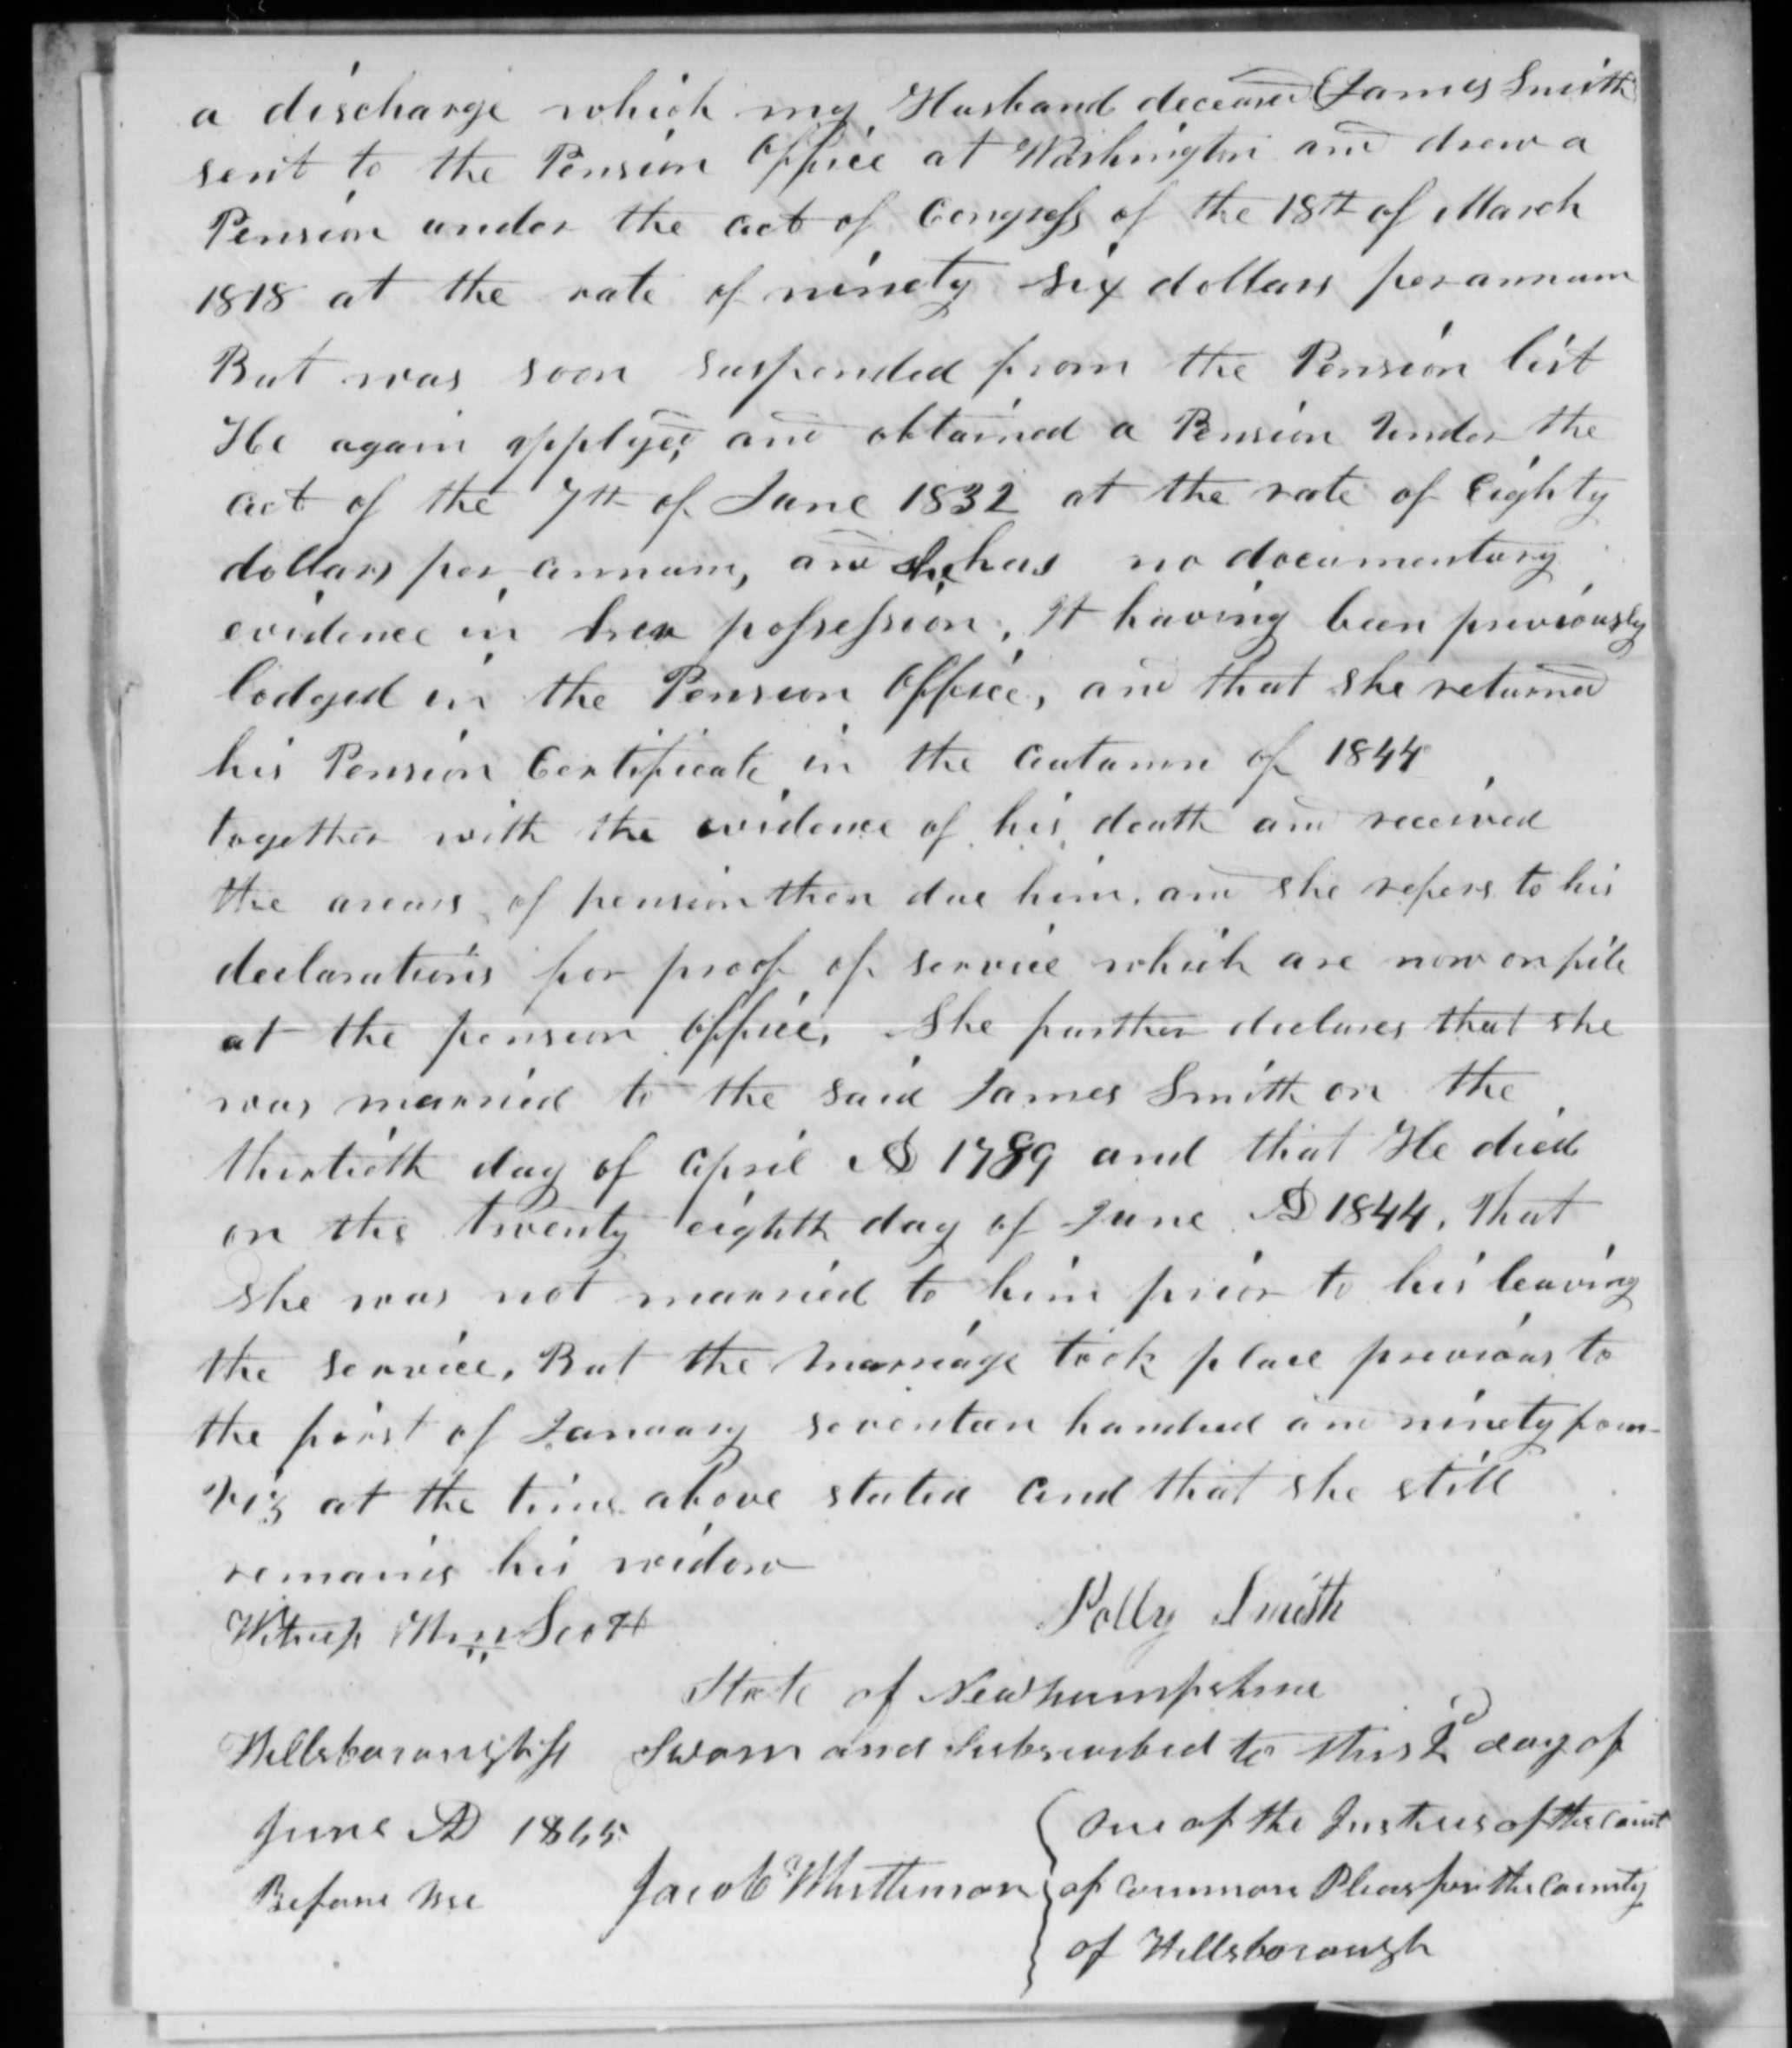A discharge which my husband deceased (James Smith) sent to the Pension Office at Washinton and --- a Pension under the Act of Congress of the 18th of March 1818 at the rate of ninety six dollars -----. But was soon suspended form the Pension Unit. He again applied and attained a Pension under the act of the 7th of June 1832 at the rate of eight dollars for --- and – in documenting evidence in -- --- it have been previously lodged in the Pension Office and that she returned his pension certificate in the ---- of 1844. Together with the evidence of his death and receive that --- of pension then due --- and she refers to his declarations for proof of service which are now on file at the pension office. She further declares that she was married to the said James Smith on the nineteenth day of April – 1789 and that he died on the twenty eight day of June AD 1844 that she was nor married to his – to her leaving the service. But the marriage took place previous to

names: James Smith; Jacob Whitlemore; Wm Scott; James Smith; Polly Smith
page: 11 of 55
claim: widow's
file: W 19058, for James Smith, Massachusetts